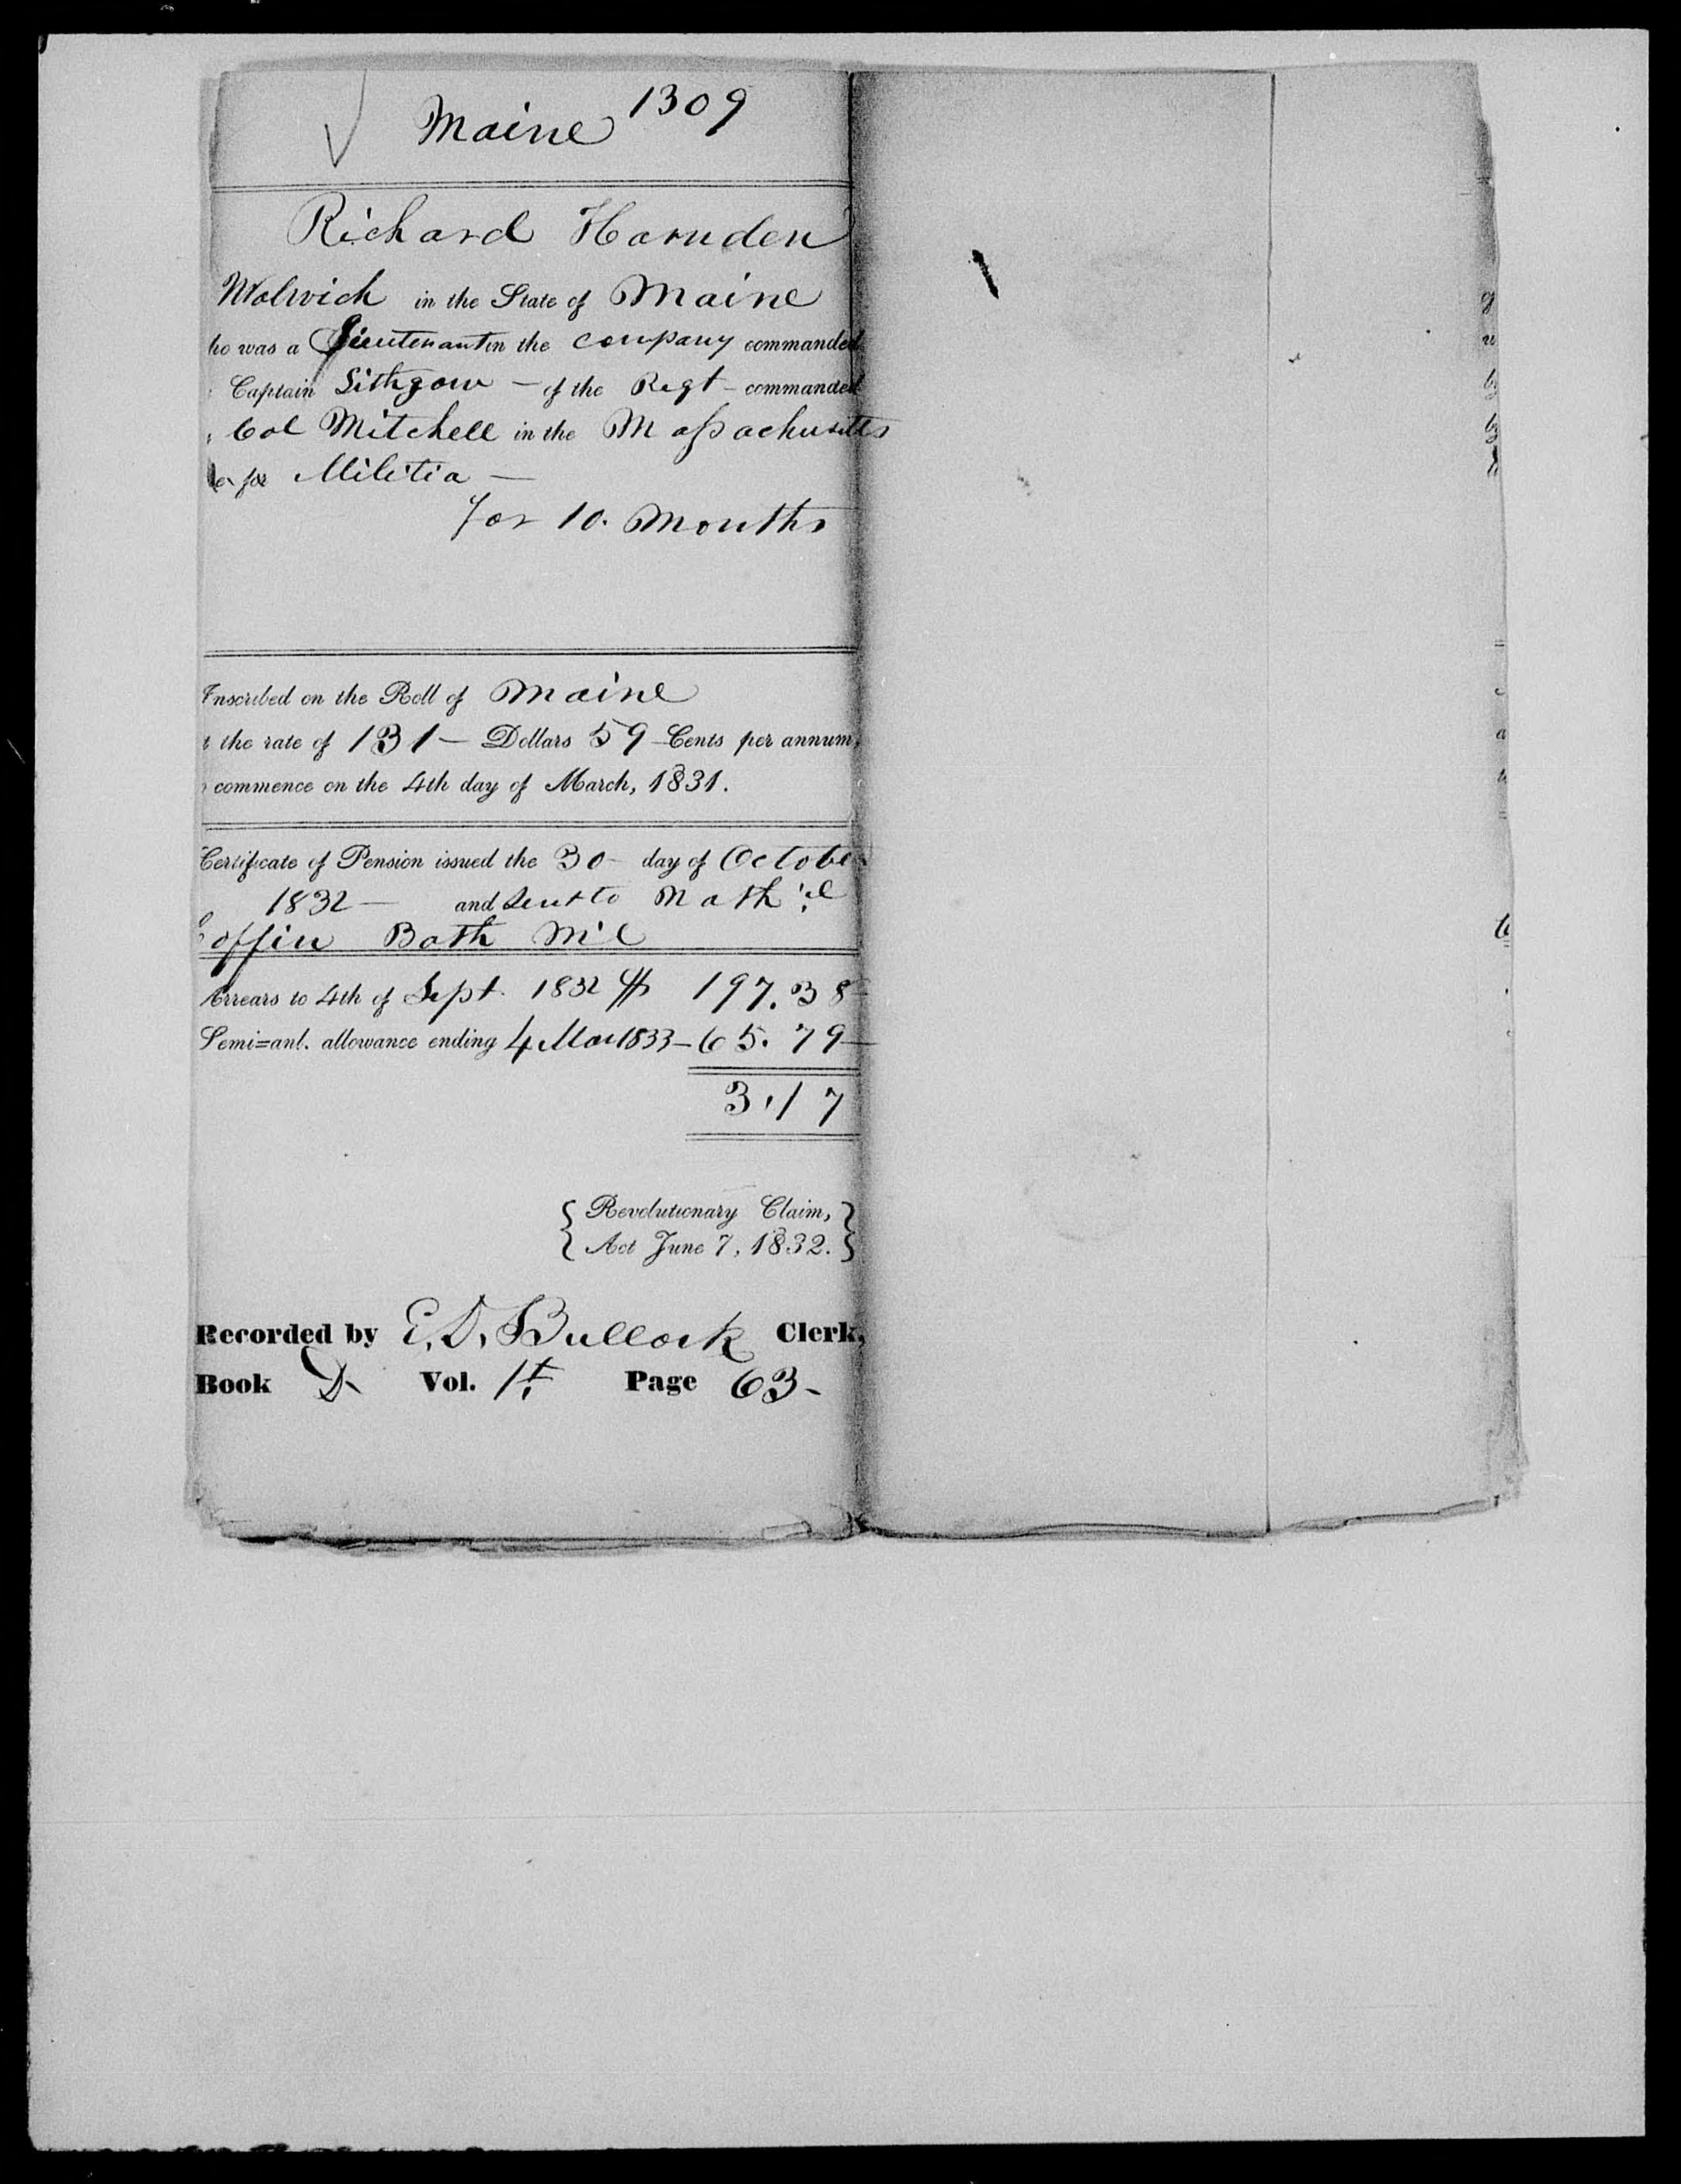Maine 1309
Richard Harnden
[illegible] in the State of Maine
who was a Lieutenant in the company commanded
Captain Lithgow — of the Regt — commanded
Col Mitchell in the Massachusetts
Militia—
for 10 months

Inscribed on the Roll ofMaine
the rate of 131 dollars 59 cents per annum
commence on the 4th day of March, 1831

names: Richard Harnden, Nathl Coffin, Lithgow, Mitchell, E D Bullock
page: 2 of 10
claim: survivor's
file: S. 29,195, Richard Harnden, Mass.